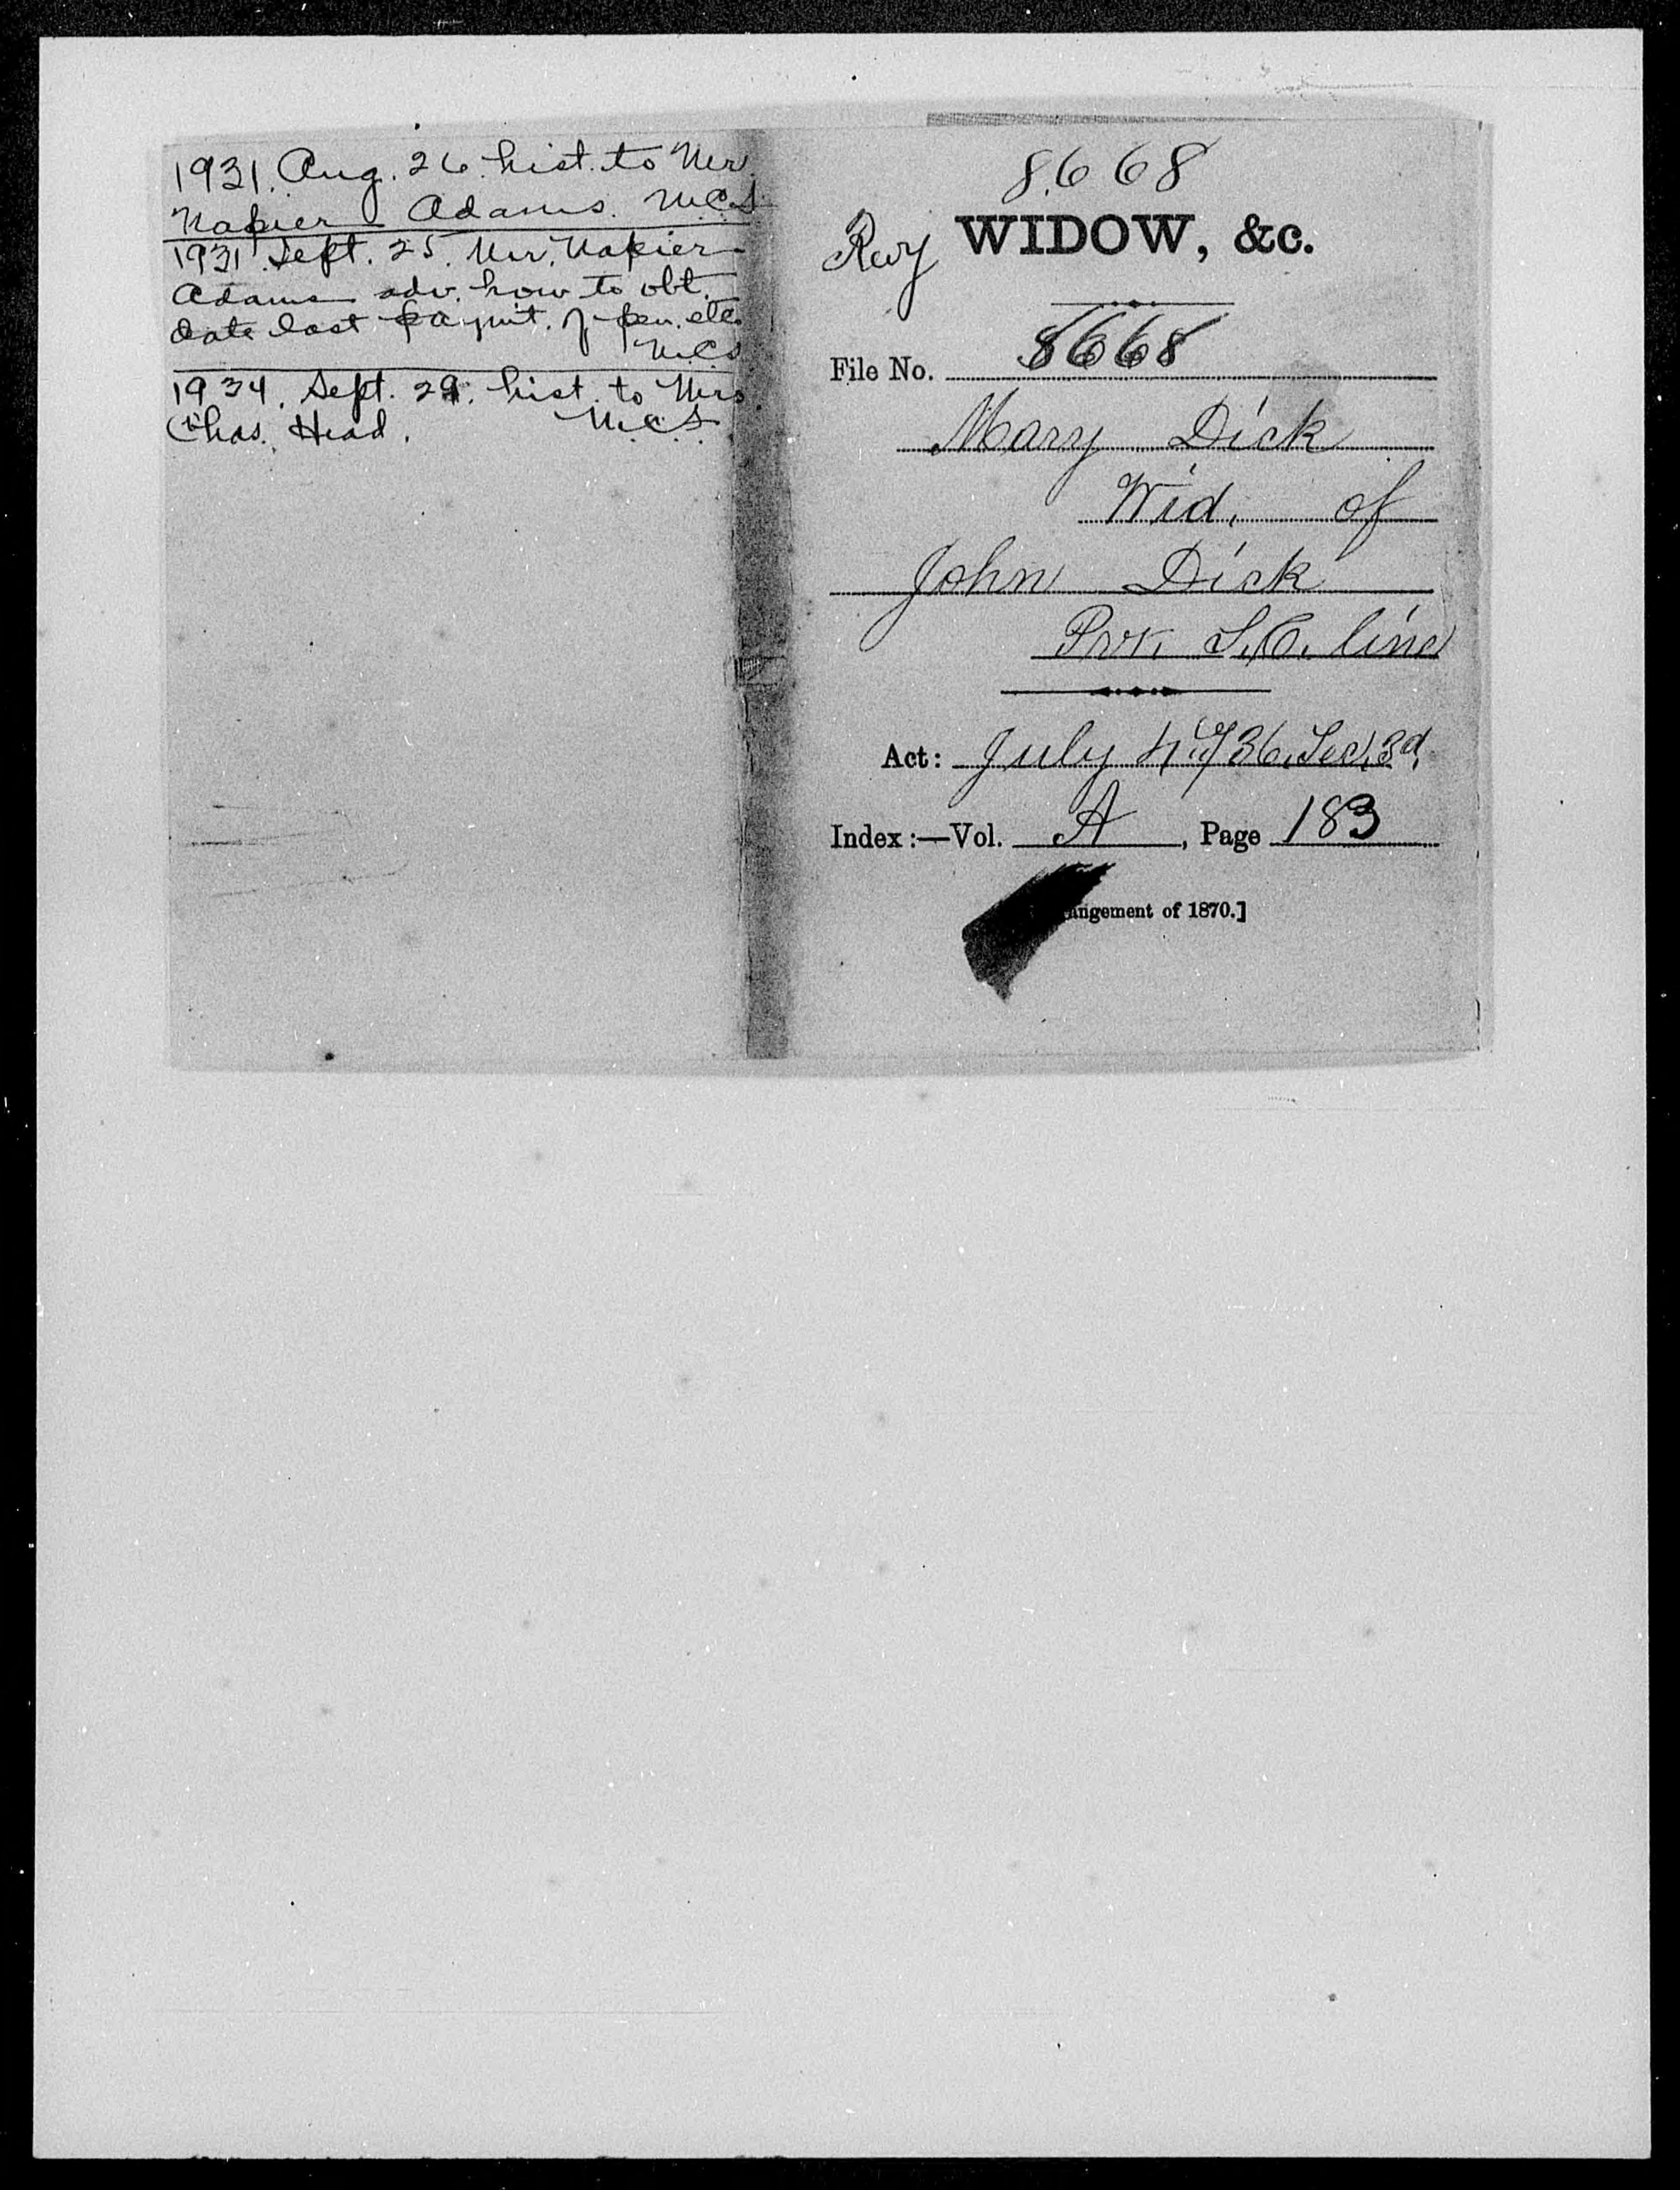1931 Aug. 26 hist. to Mr. Napier Adams WCS
1931 Sept. 25 Mr. Napier Adams adv. hot to obt. date last payment of pen. WCS
1934 Sept. 29 hist. to Mrs. Chas Head. WCS
8668 WIDOW, &c. Revy File No. 8668 
Mary Dick Wid of John Dick Privt S.C. line Act: July 4 1836, Sec 3d Index:-Vol. A, Page 183 [illegible] of 1870.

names: John Dick, Chas Head, Napier Adams, Mary Dick, Napier Adams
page: 17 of 31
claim: widow's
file: W. 8668, John Dick, S C